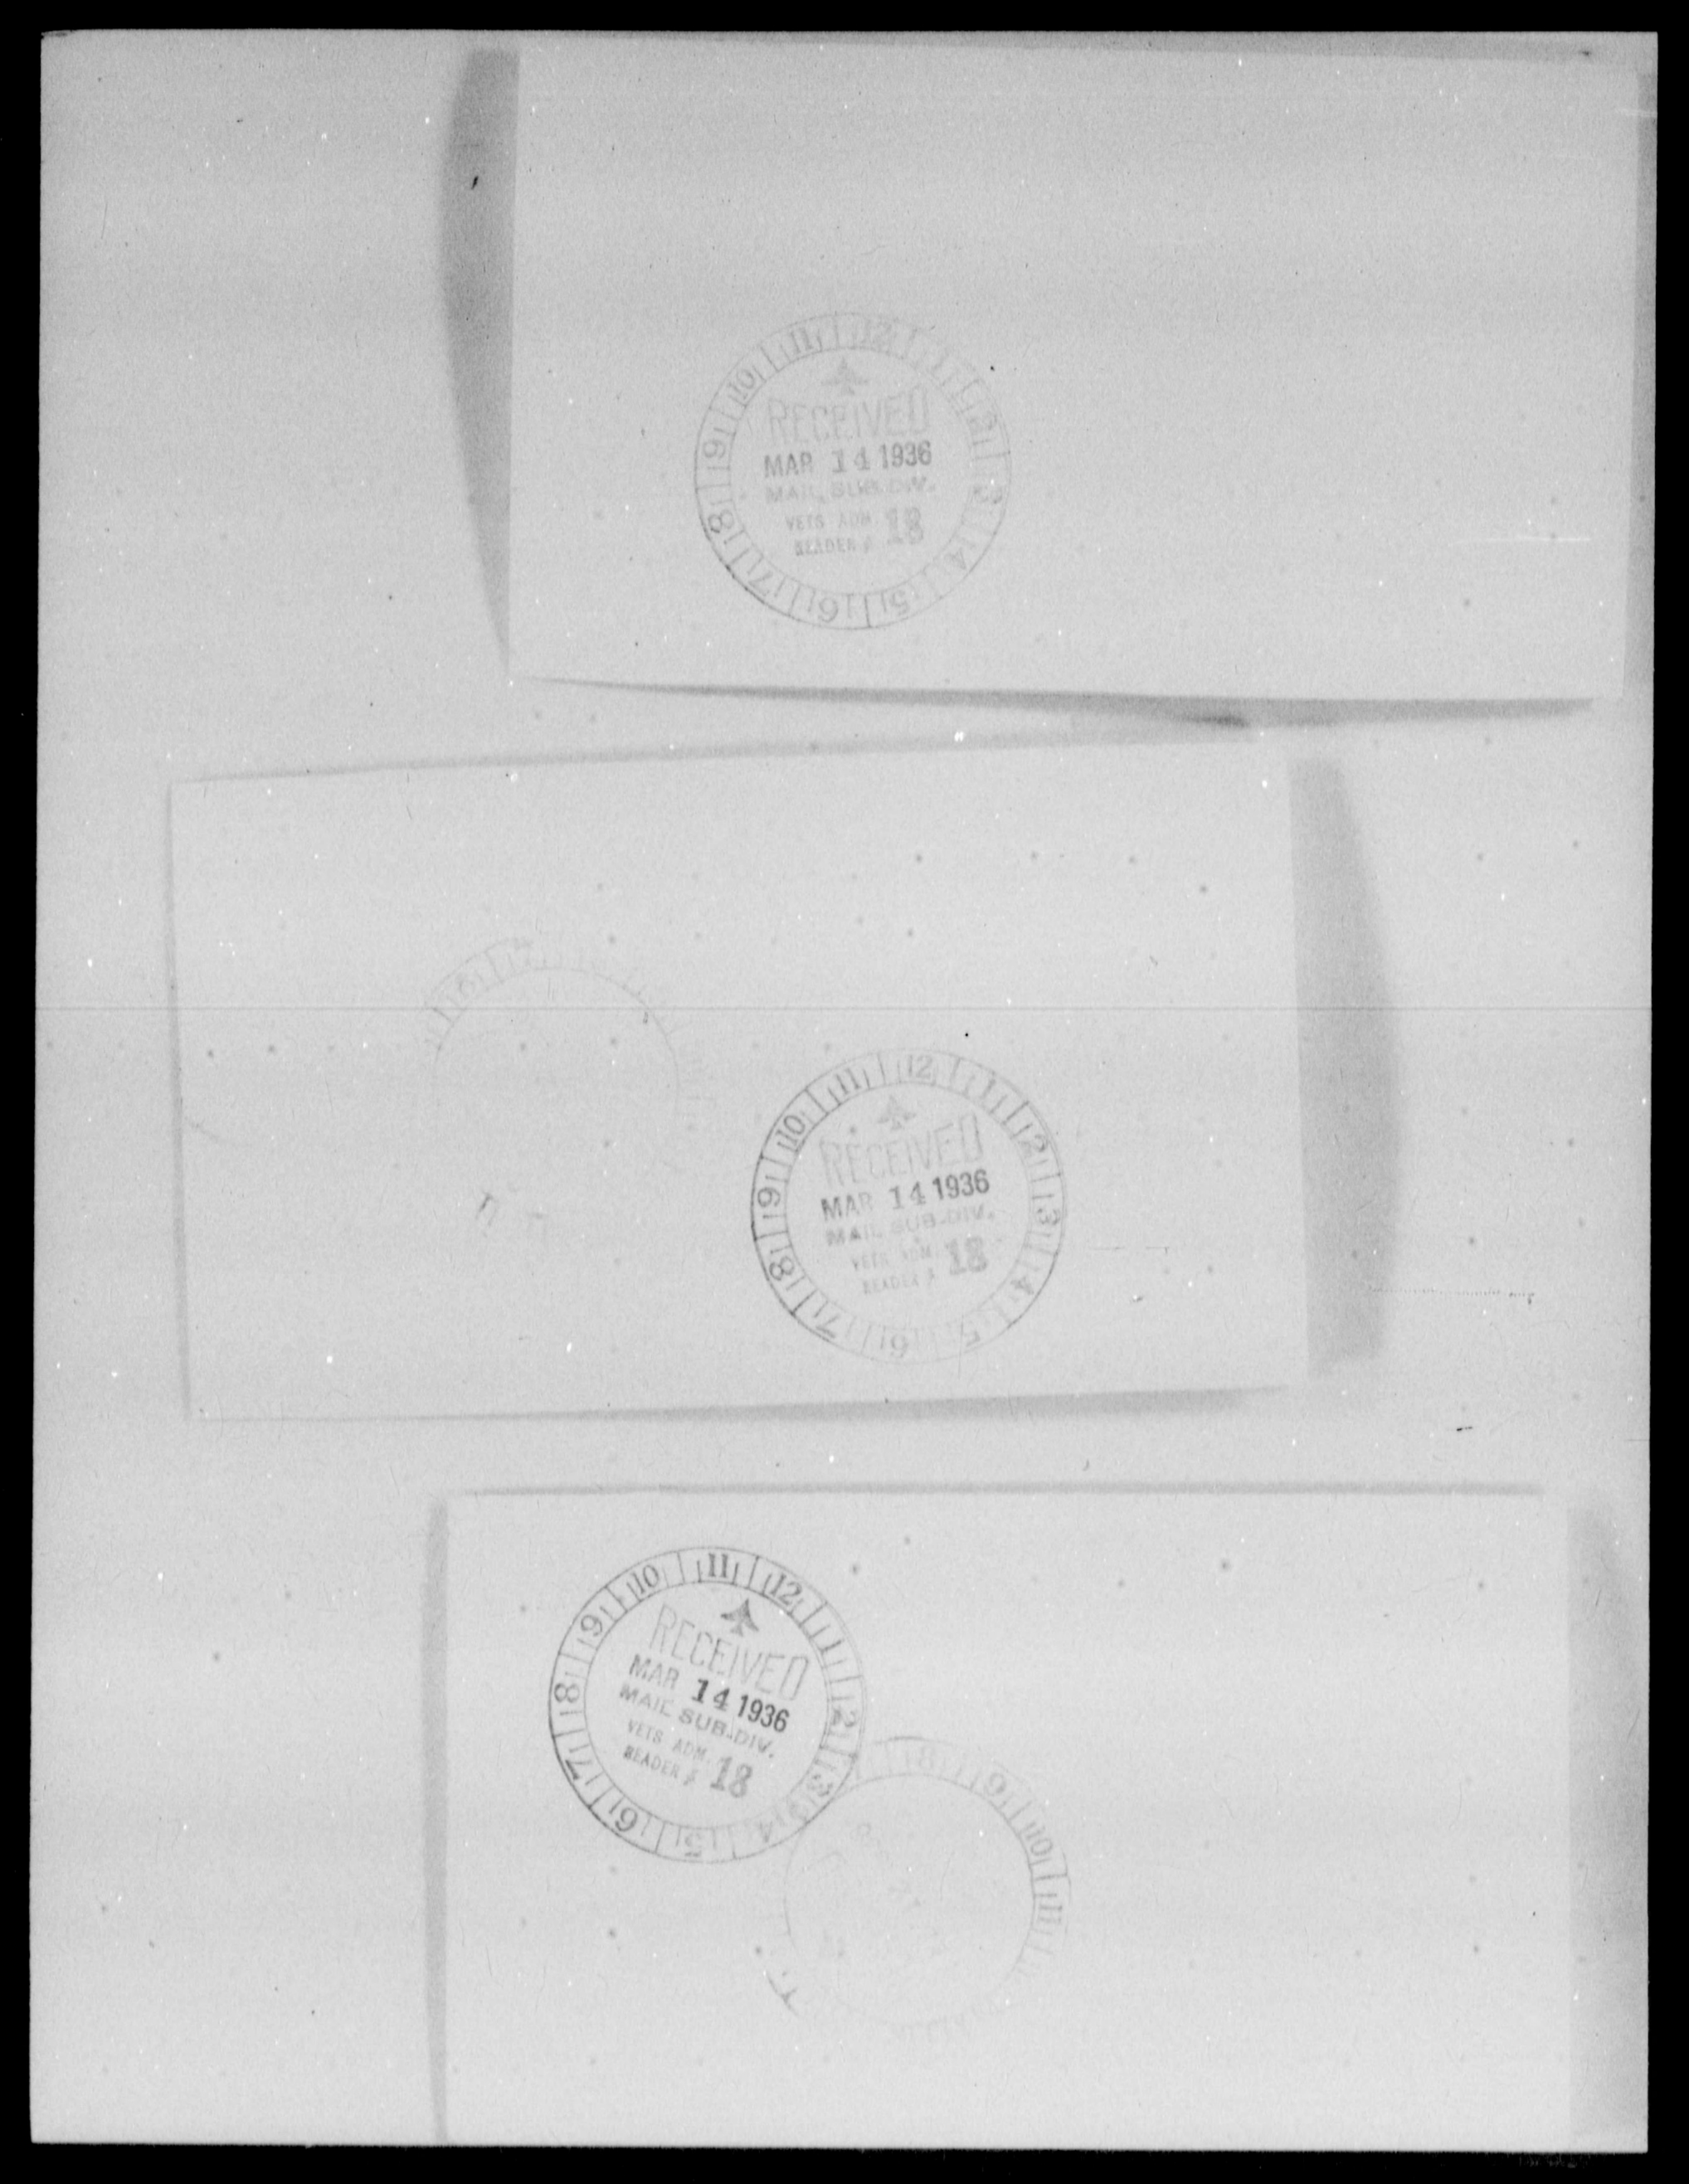RECEIVED MAR 13 1936
MAIL SUB-DIV.
VETS ADM 
READER #18

RECEIVED MAR 14 1936
MAIL SUB-DIV.
VETS ADM.
READER #18

RECEIVED MAR 14 1936
MAIL SUB-DIV.
VETS. ADM.
READER #18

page: 53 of 84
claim: widow's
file: W.11104, for John Remay, Virginia